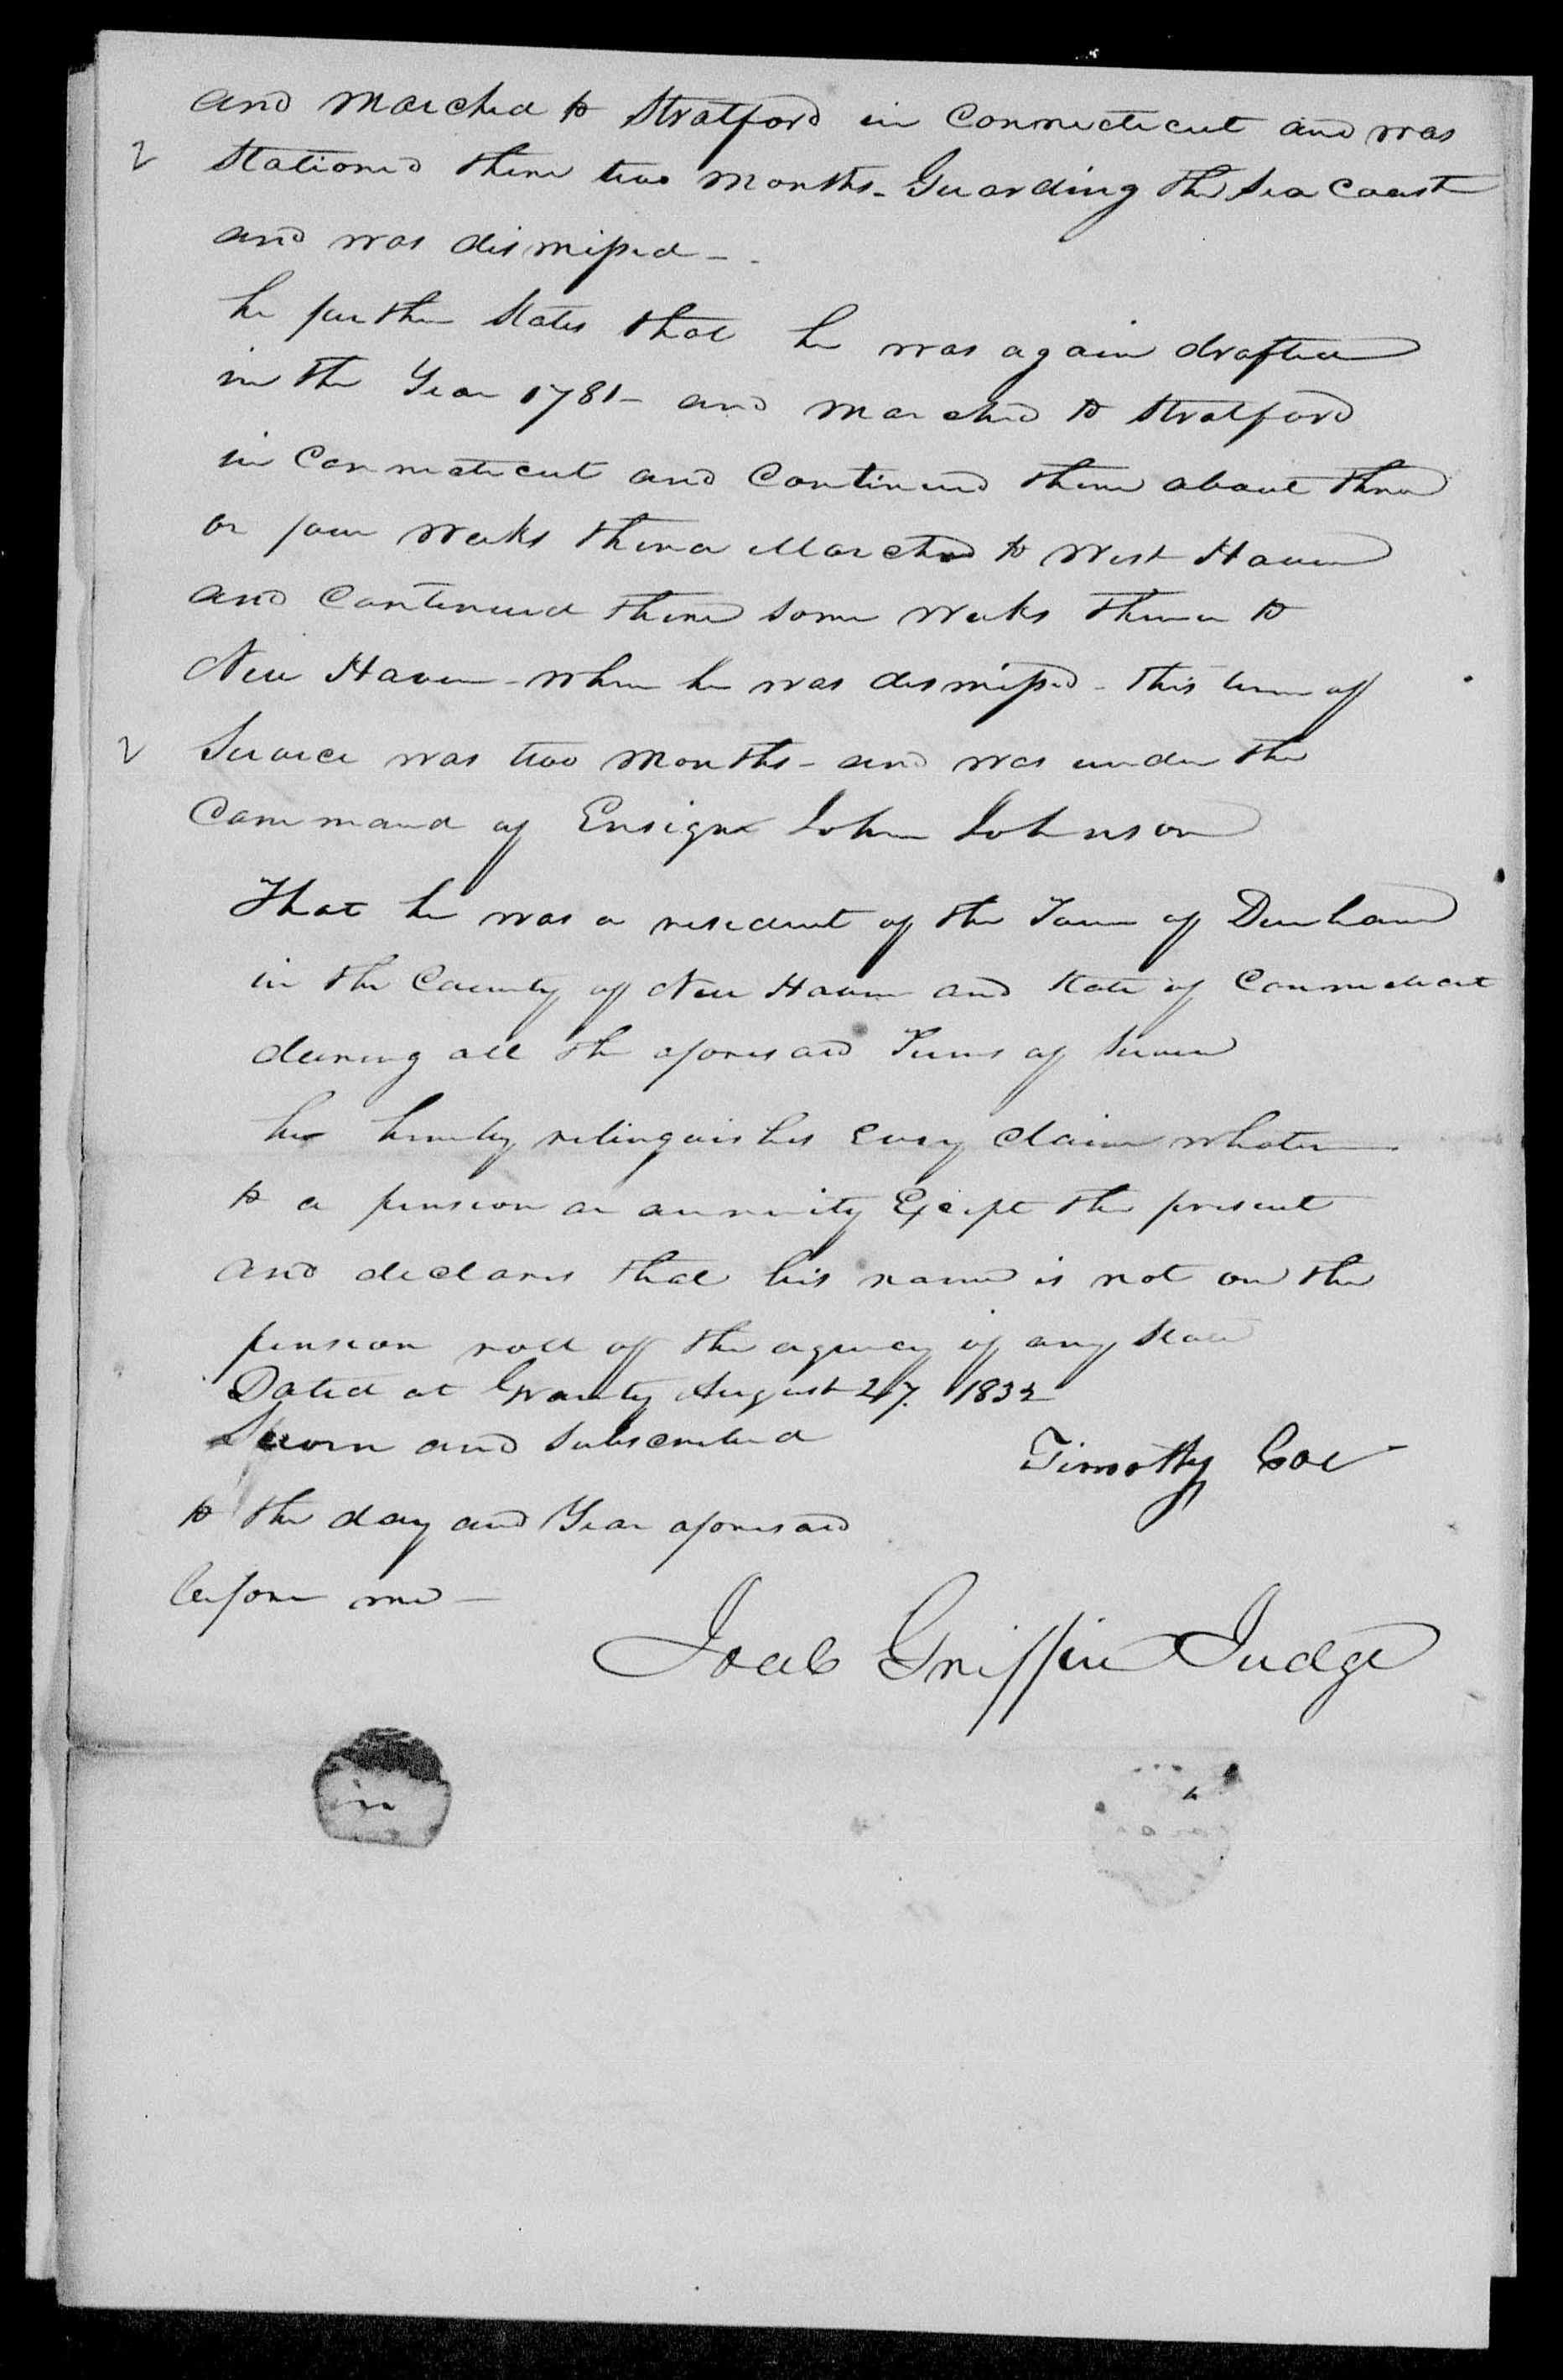and marched to Stratford in Connecticut and was stationed there two months.  Guarding the sea coast and was dismissed.
He further states that he was again drafted in the year of 1781 and marched to Stratford in Connecticut and continued there about there a few weeks then then marched to West Haven and continued there some weeks there to New Haven when he was dismissed.  This [illegible] of service was two months and was under the command of Ensign John Johnson
That he was a resident of the town of Durham in the county of New Haven and State of Connecticut deeming all the aforward  [illegible] of service.
his family relinquishes his every claim whatsoever to a pension or annuity except the present and declare that his name is not on the pension roll of the agency of any state.
Dated at [illegible] August 27 1832
Sworn and substantiated   Timothy Coe
to this day and [illegible] aforward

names: John Johnson, Timothy Coe, Joab Griffin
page: 6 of 76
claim: widow's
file: W. 5,250, Timothy Coe, Conn.